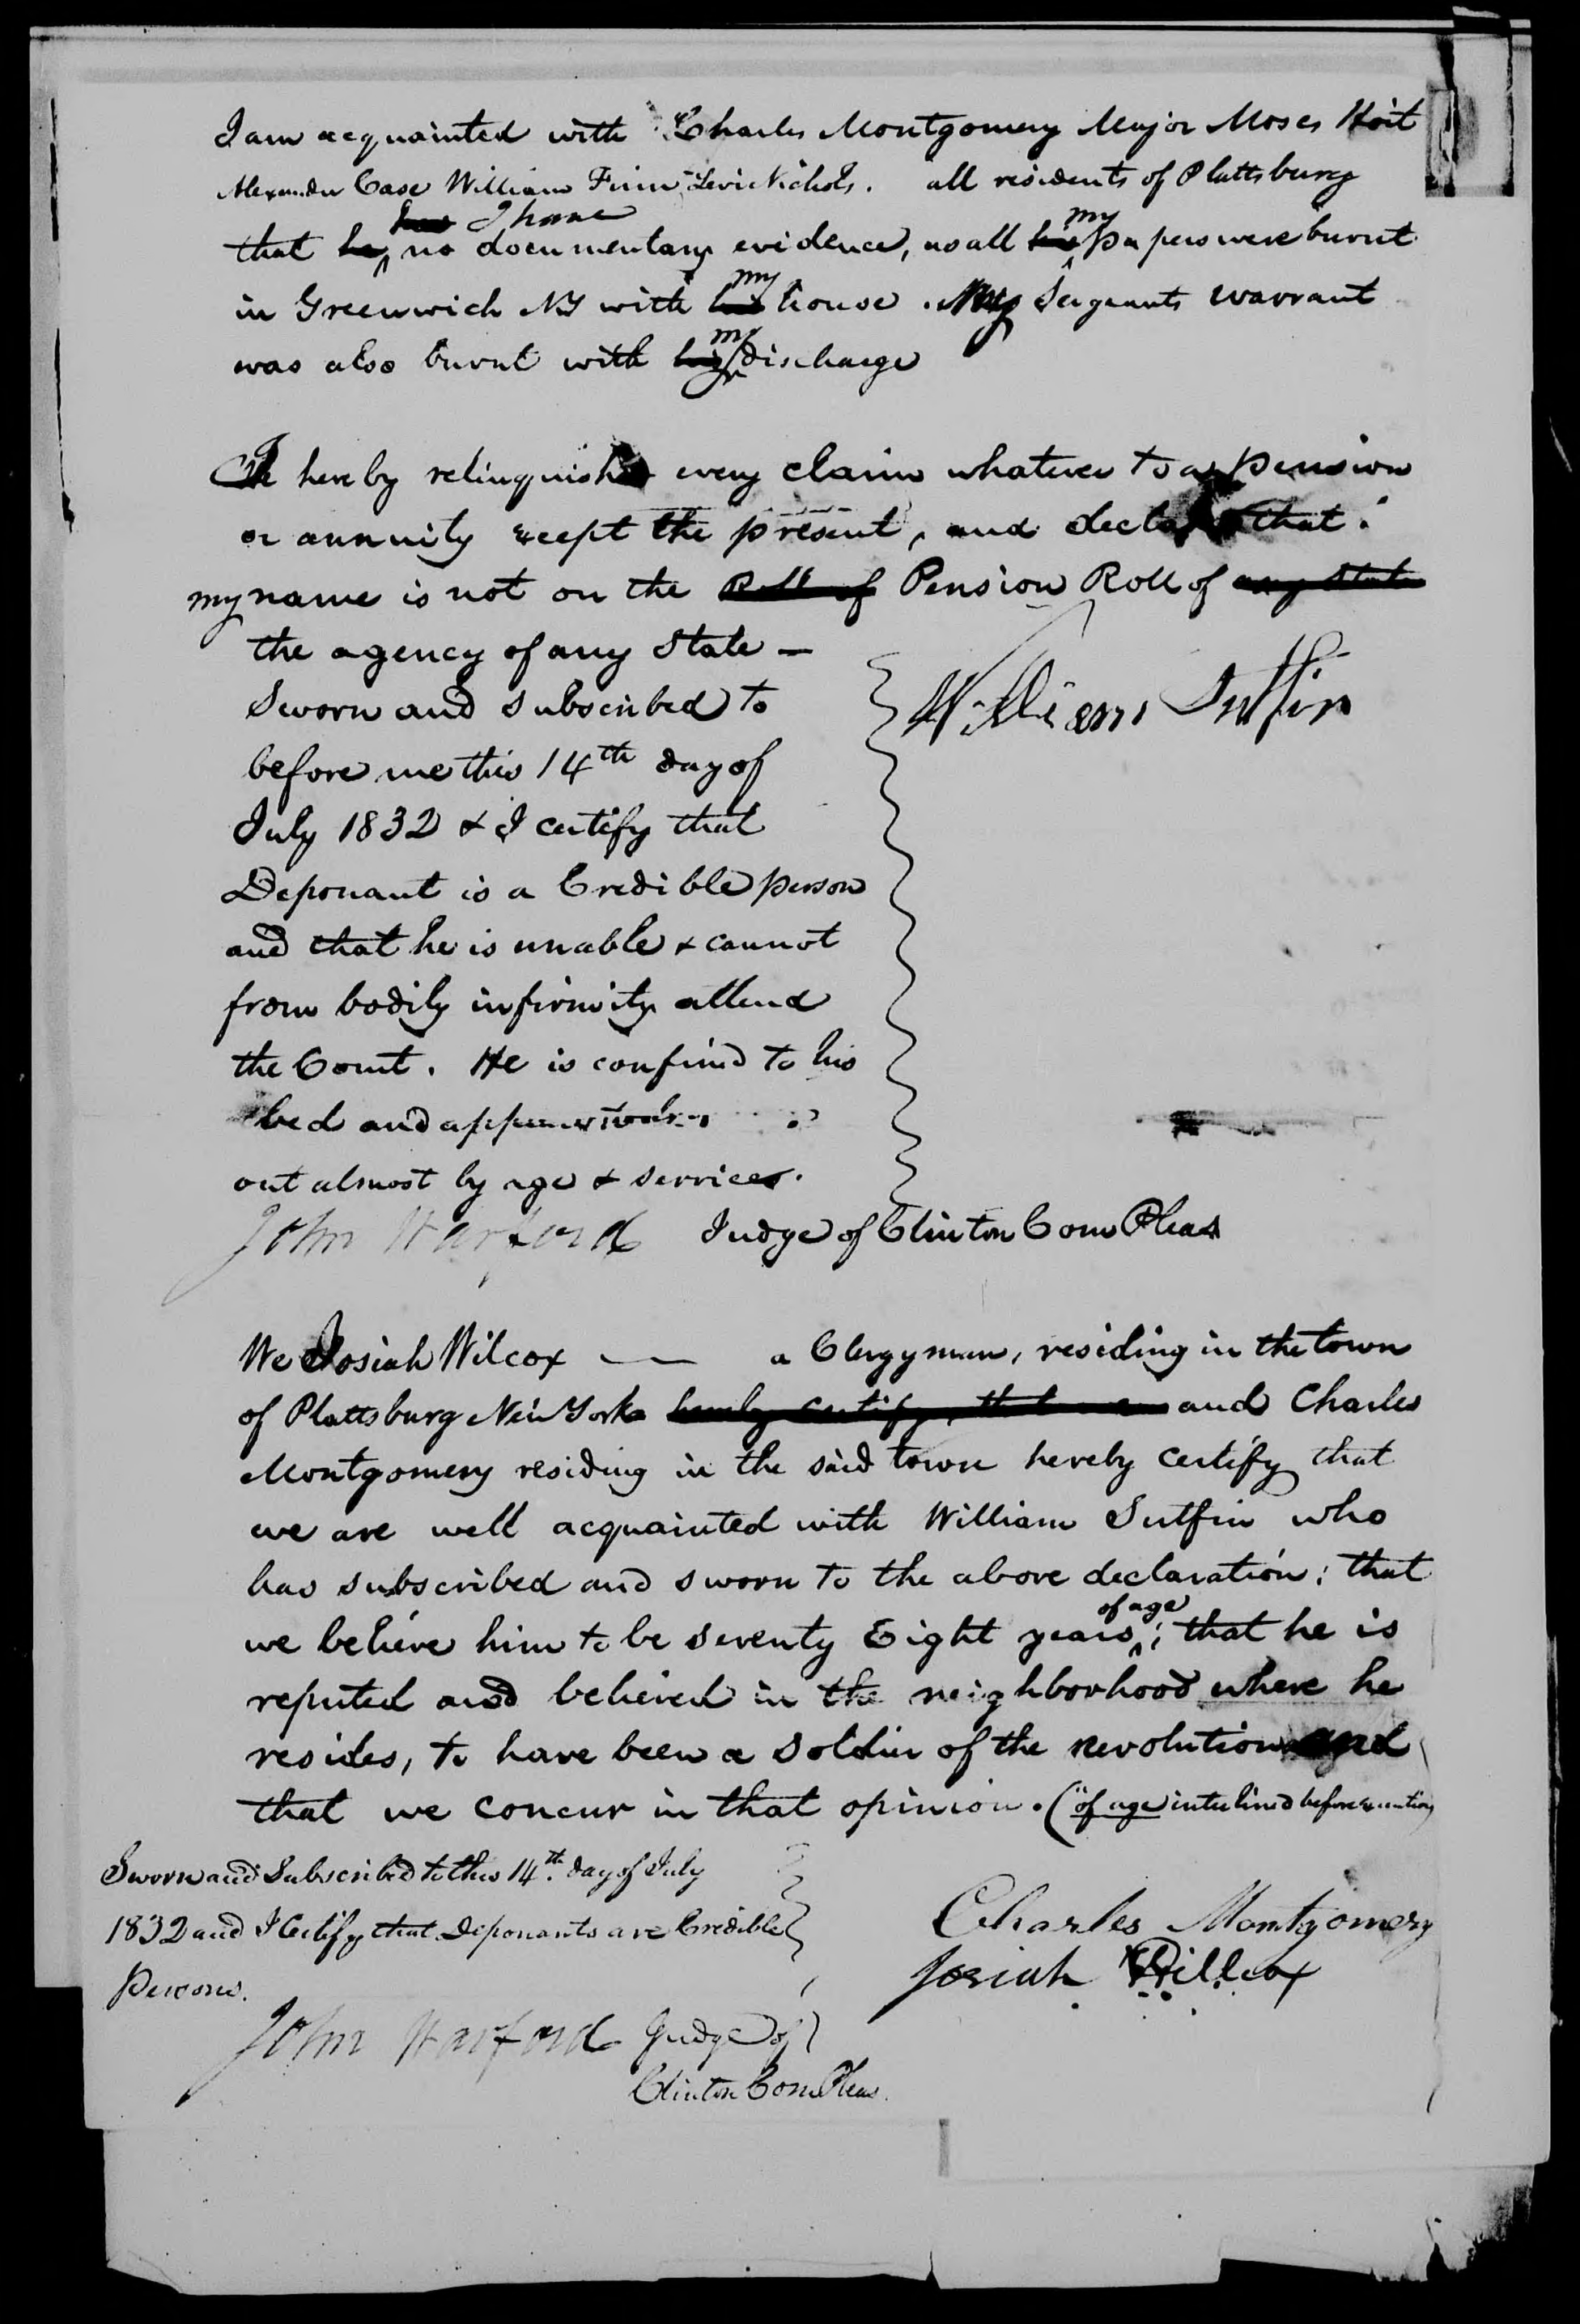... I am acquainted with Charles Montgomery, Major Moses Hart, Alexander Case, William Firm, Levi Nichols & all residents of Plattsburg, that [crossed out: he has] I have no documentary evidence, as all [crossed out: his] my papers were burnt in Greenwich, N.Y. with [crossed out: his] my house. My Sergeant's Warrant was also burnt with [crossed out: his] my discharge.

I hereby relinquish every claim whatever to a pension or annuity except the present and declare that my name is not on the [crossed out: Roll of] Pension Roll of [crossed out: any State] the agency of any State.
s/ William Sutfin

Sworn and subscribed to before me this 14th day of July 1832 & I certify that deponent is a credible person and that he is unable & cannot from bodily infirmity attend the Court. He is confined to his bed and appears infirm and broken out almost by age & services.
s/ John Warford, Judge of Clinton Com(mon) Pleas

We, Josiah Wilcox, a clergyman, residing in the town of Plattsburg New York [crossed out: hereby certify that we] and Charles Montgomery residing in the said town hereby certify that we are well acquainted with William Sutfin, who has subscribed and sworn to the above declaration; that we believe him to be Seventy eight years of age; that he is reputed and believed in the neighborhood where he resides to have been a soldier of the Revolution and that we concur in that opinion (of age interlined before executing)
s/ Charles Montgomery
s/ Josiah Wilcox

Sworn and subscribed to this 14th day of July 1832 and I certify that deponents are credible persons.
s/ John Warford, Judge of Clinton Com(mon) Pleas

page: 9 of 11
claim: survivor's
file: S. 14628, for William Sutfin, New Jersey